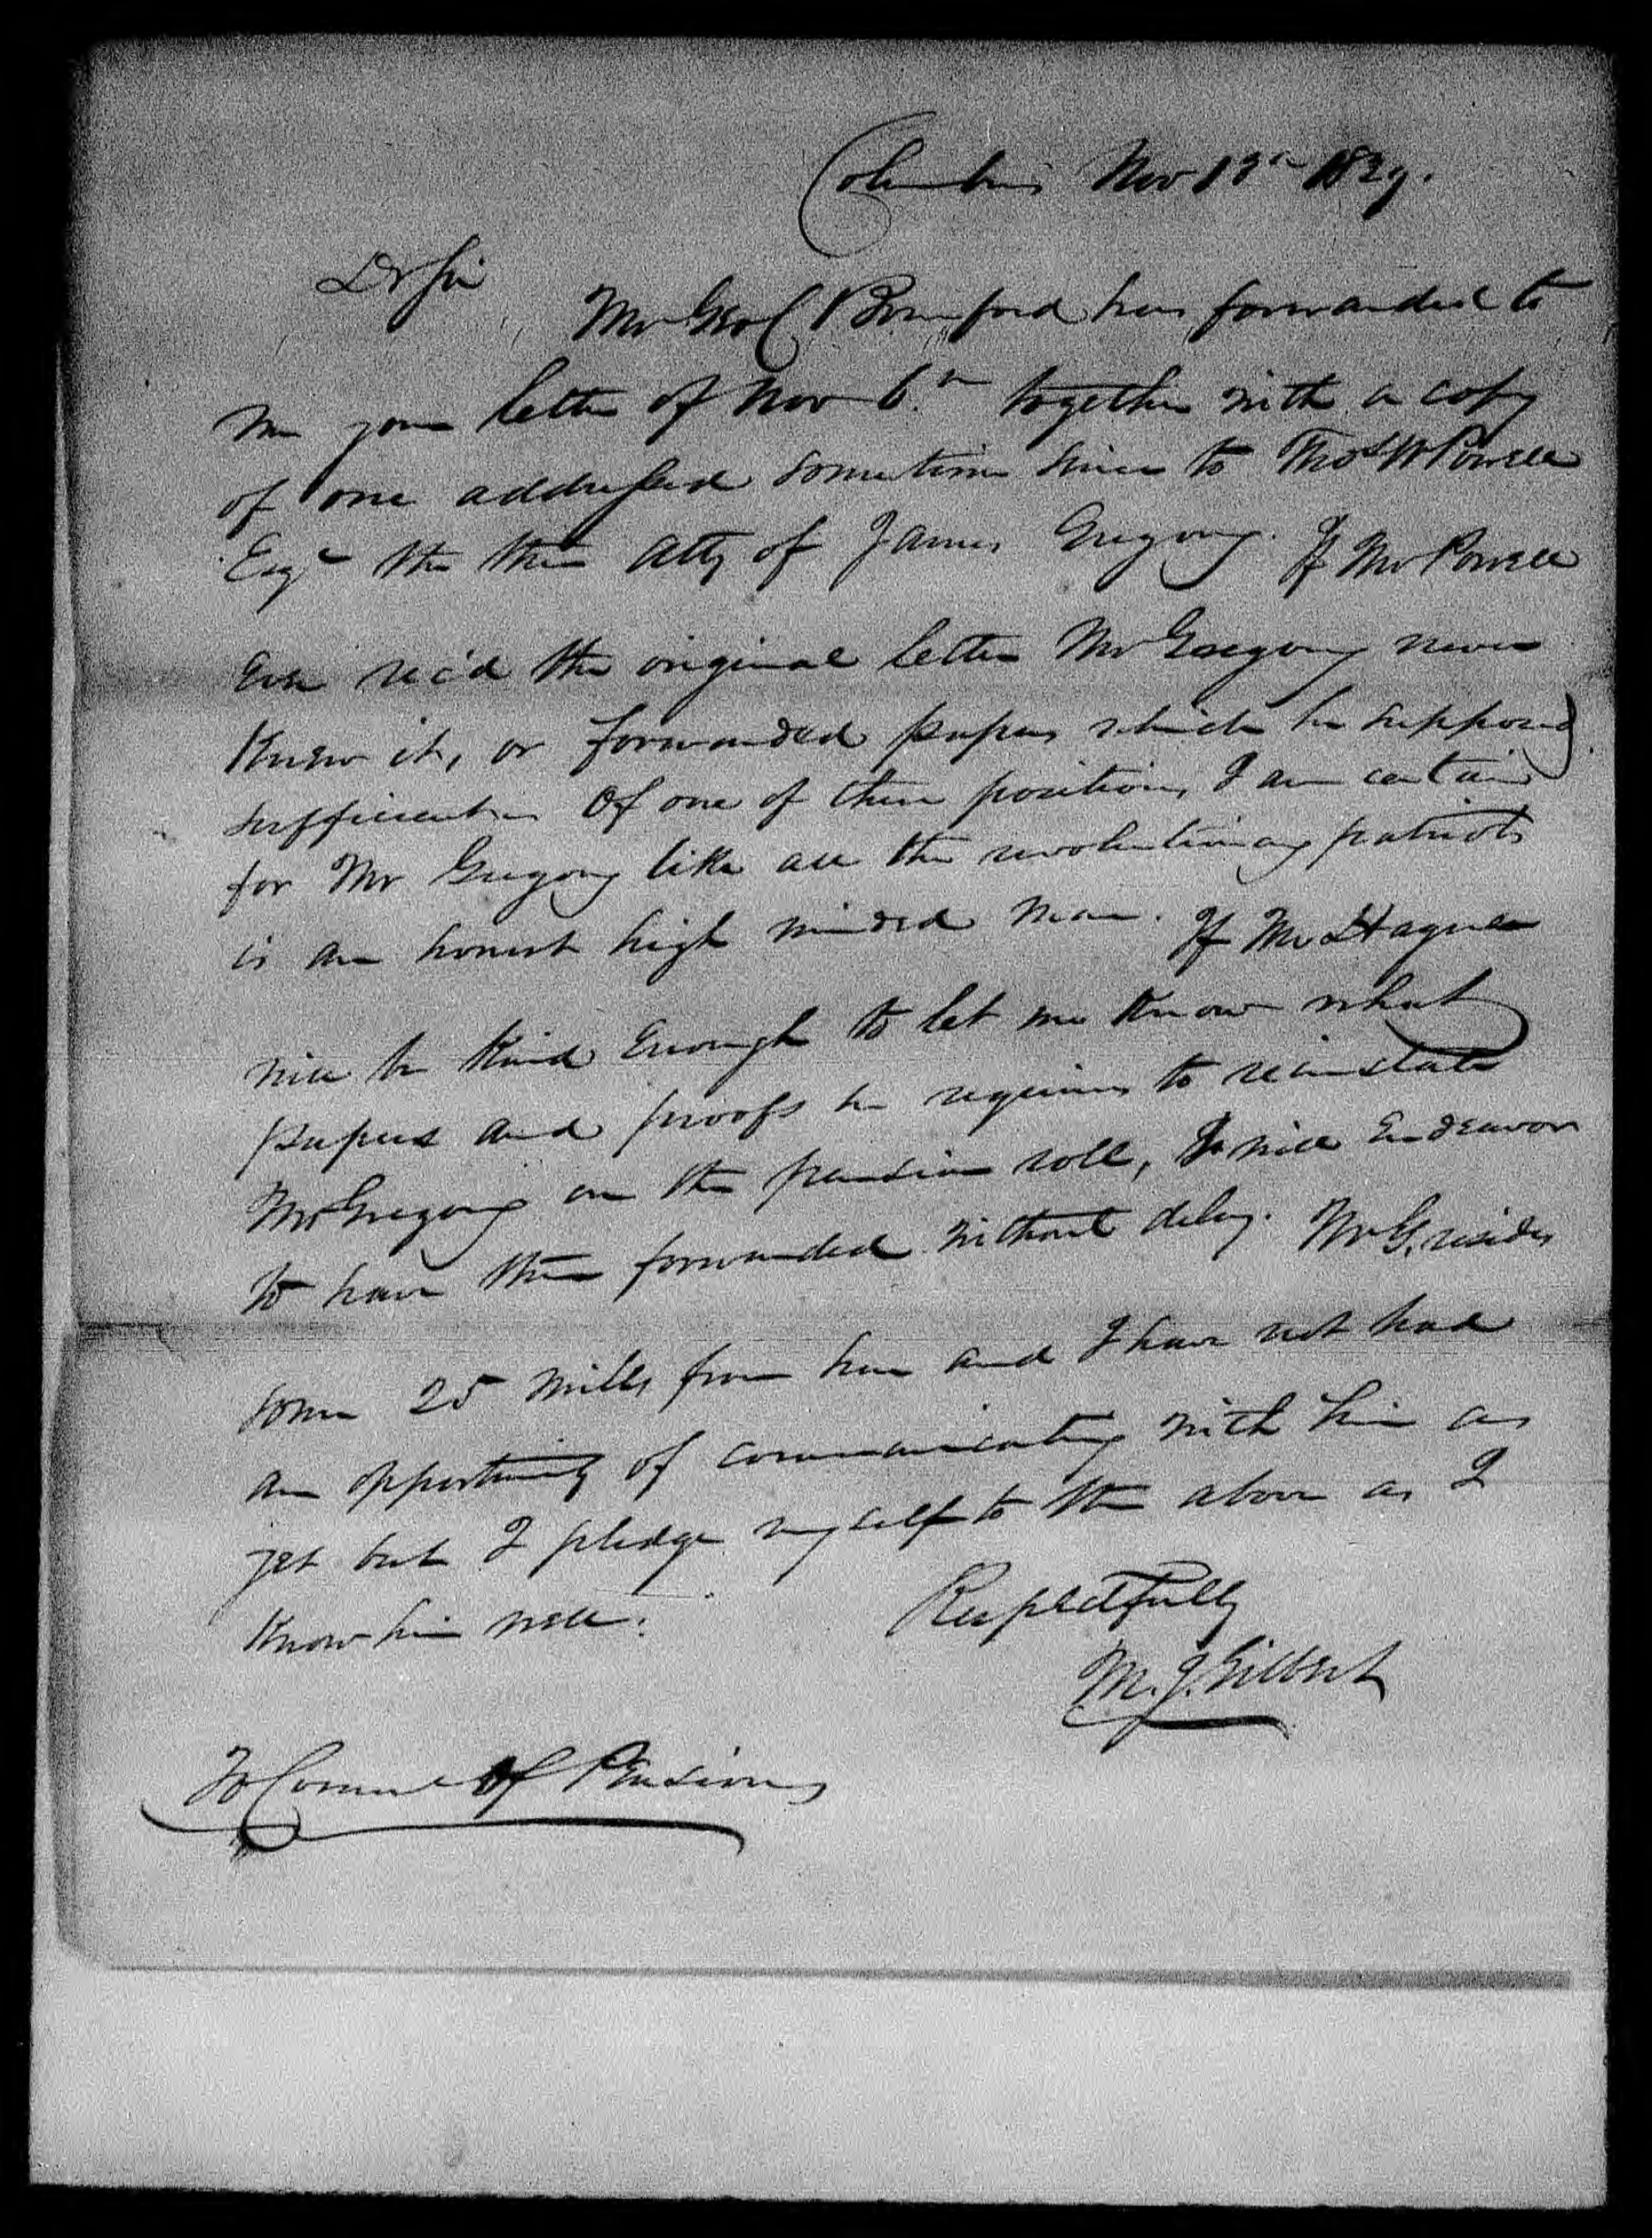Columbus Nov 19th 1829

Dr Sir

Mr Geo C Bromford has forwarded to me your letter of Nov 6th together with a copy of one addressed sometime since to Thos W Powell Esq, the the atty of James Gregory, If Mr Powell ever recd the original letter Mr Gregory never knew it, or forwarded the papers which he supposed sufficient. Of one of these positions, I am certain for Mr Gregory like are the revolutionary patriots is an honest high minded man.

If Mr Hagner will be kind enough to let me know what papers and proofs he requires to reinstate Mr Gregory on the pension roll, & nice endeavor to have this forwarded without delay.

Mr. G. resides some 25 miles from here and I have not had an opportunity of communicating with him as yet but I pledge myself to the above as I know him well.

Respectfully


To Comm. of Pensions
M J Gilbert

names: Hagner, Geo C Bomford, G, Gregory, Gregory, Powell, M J Gilbert, Gregory, Thos W Powell, James Gregory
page: 24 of 27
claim: survivor's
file: S. 17445, James Gregory, Conn.